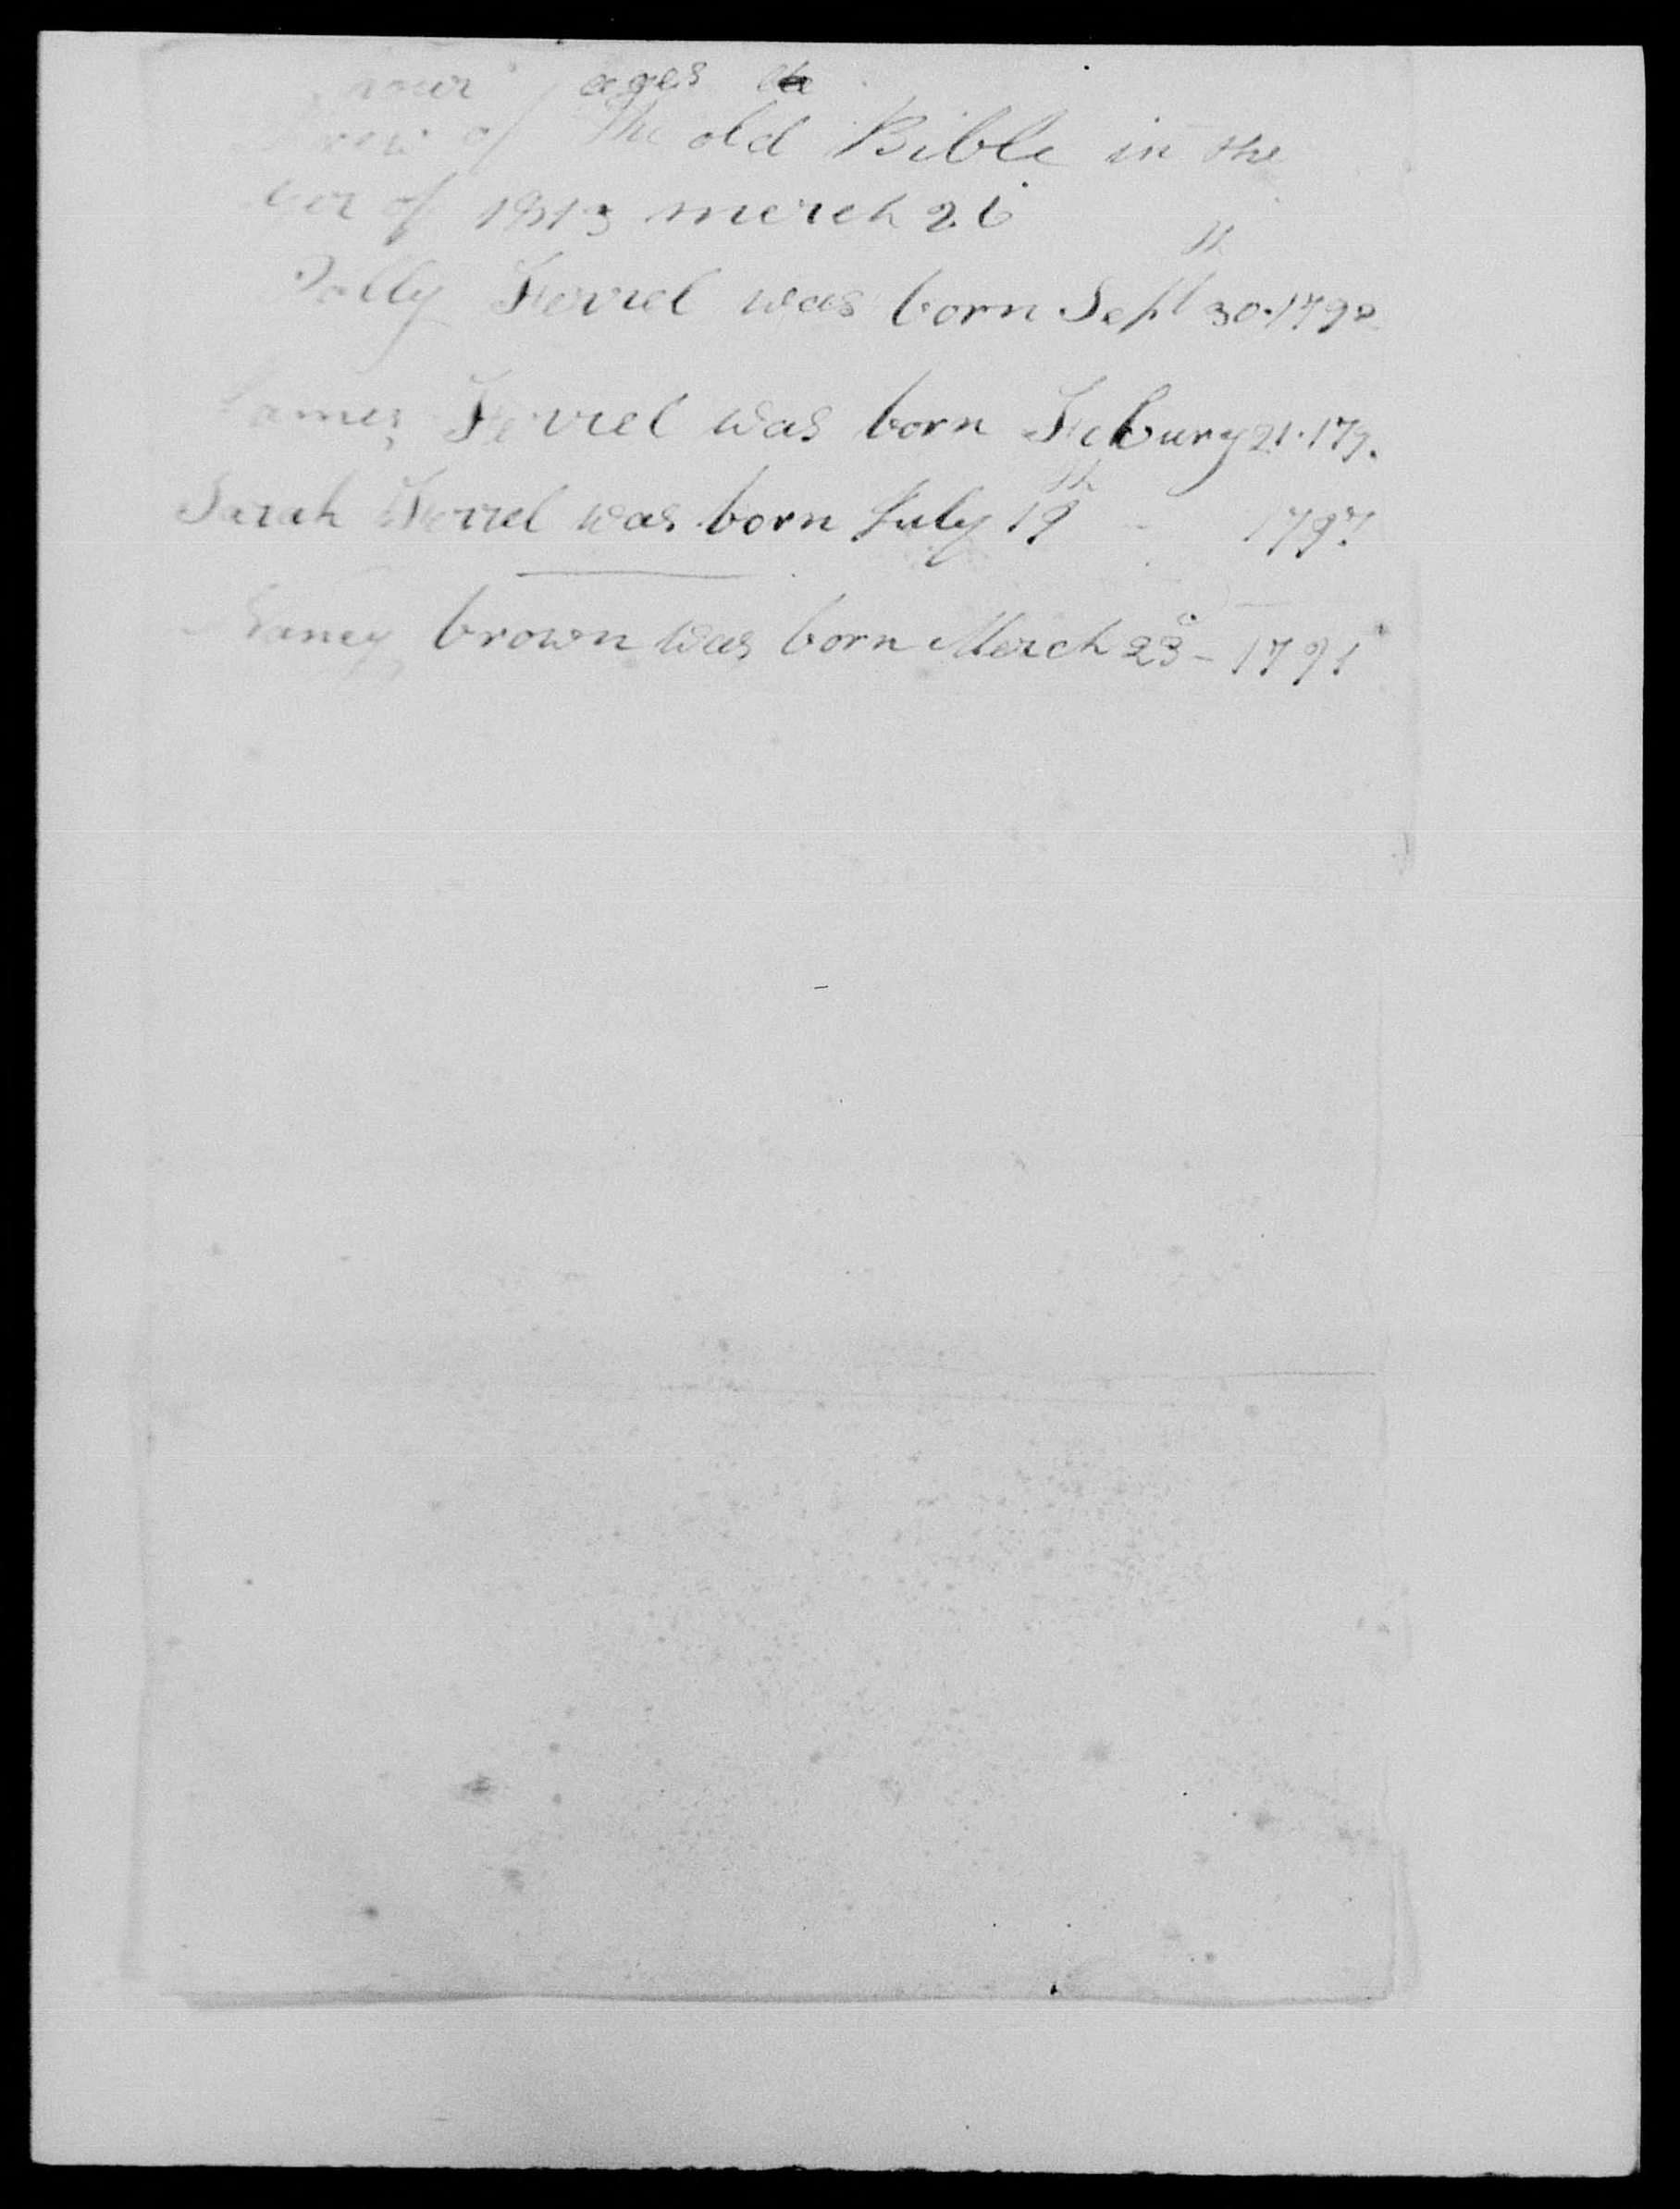:illegible: ages
Knew of the old Bible in the yer of 1815 merch 26
Polly Ferrel was born Sept 30th 1792
James Ferrel was born Febury 21, 179?
Sarah Ferrel was born July 19th 1797
Nancy brown was born Merch 23 -1771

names: James Ferrel, Polly Ferrel, Sarah Ferrel, Nancy Brown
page: 6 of 52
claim: rejected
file: R. 3,512, John Ferrell, N.C.